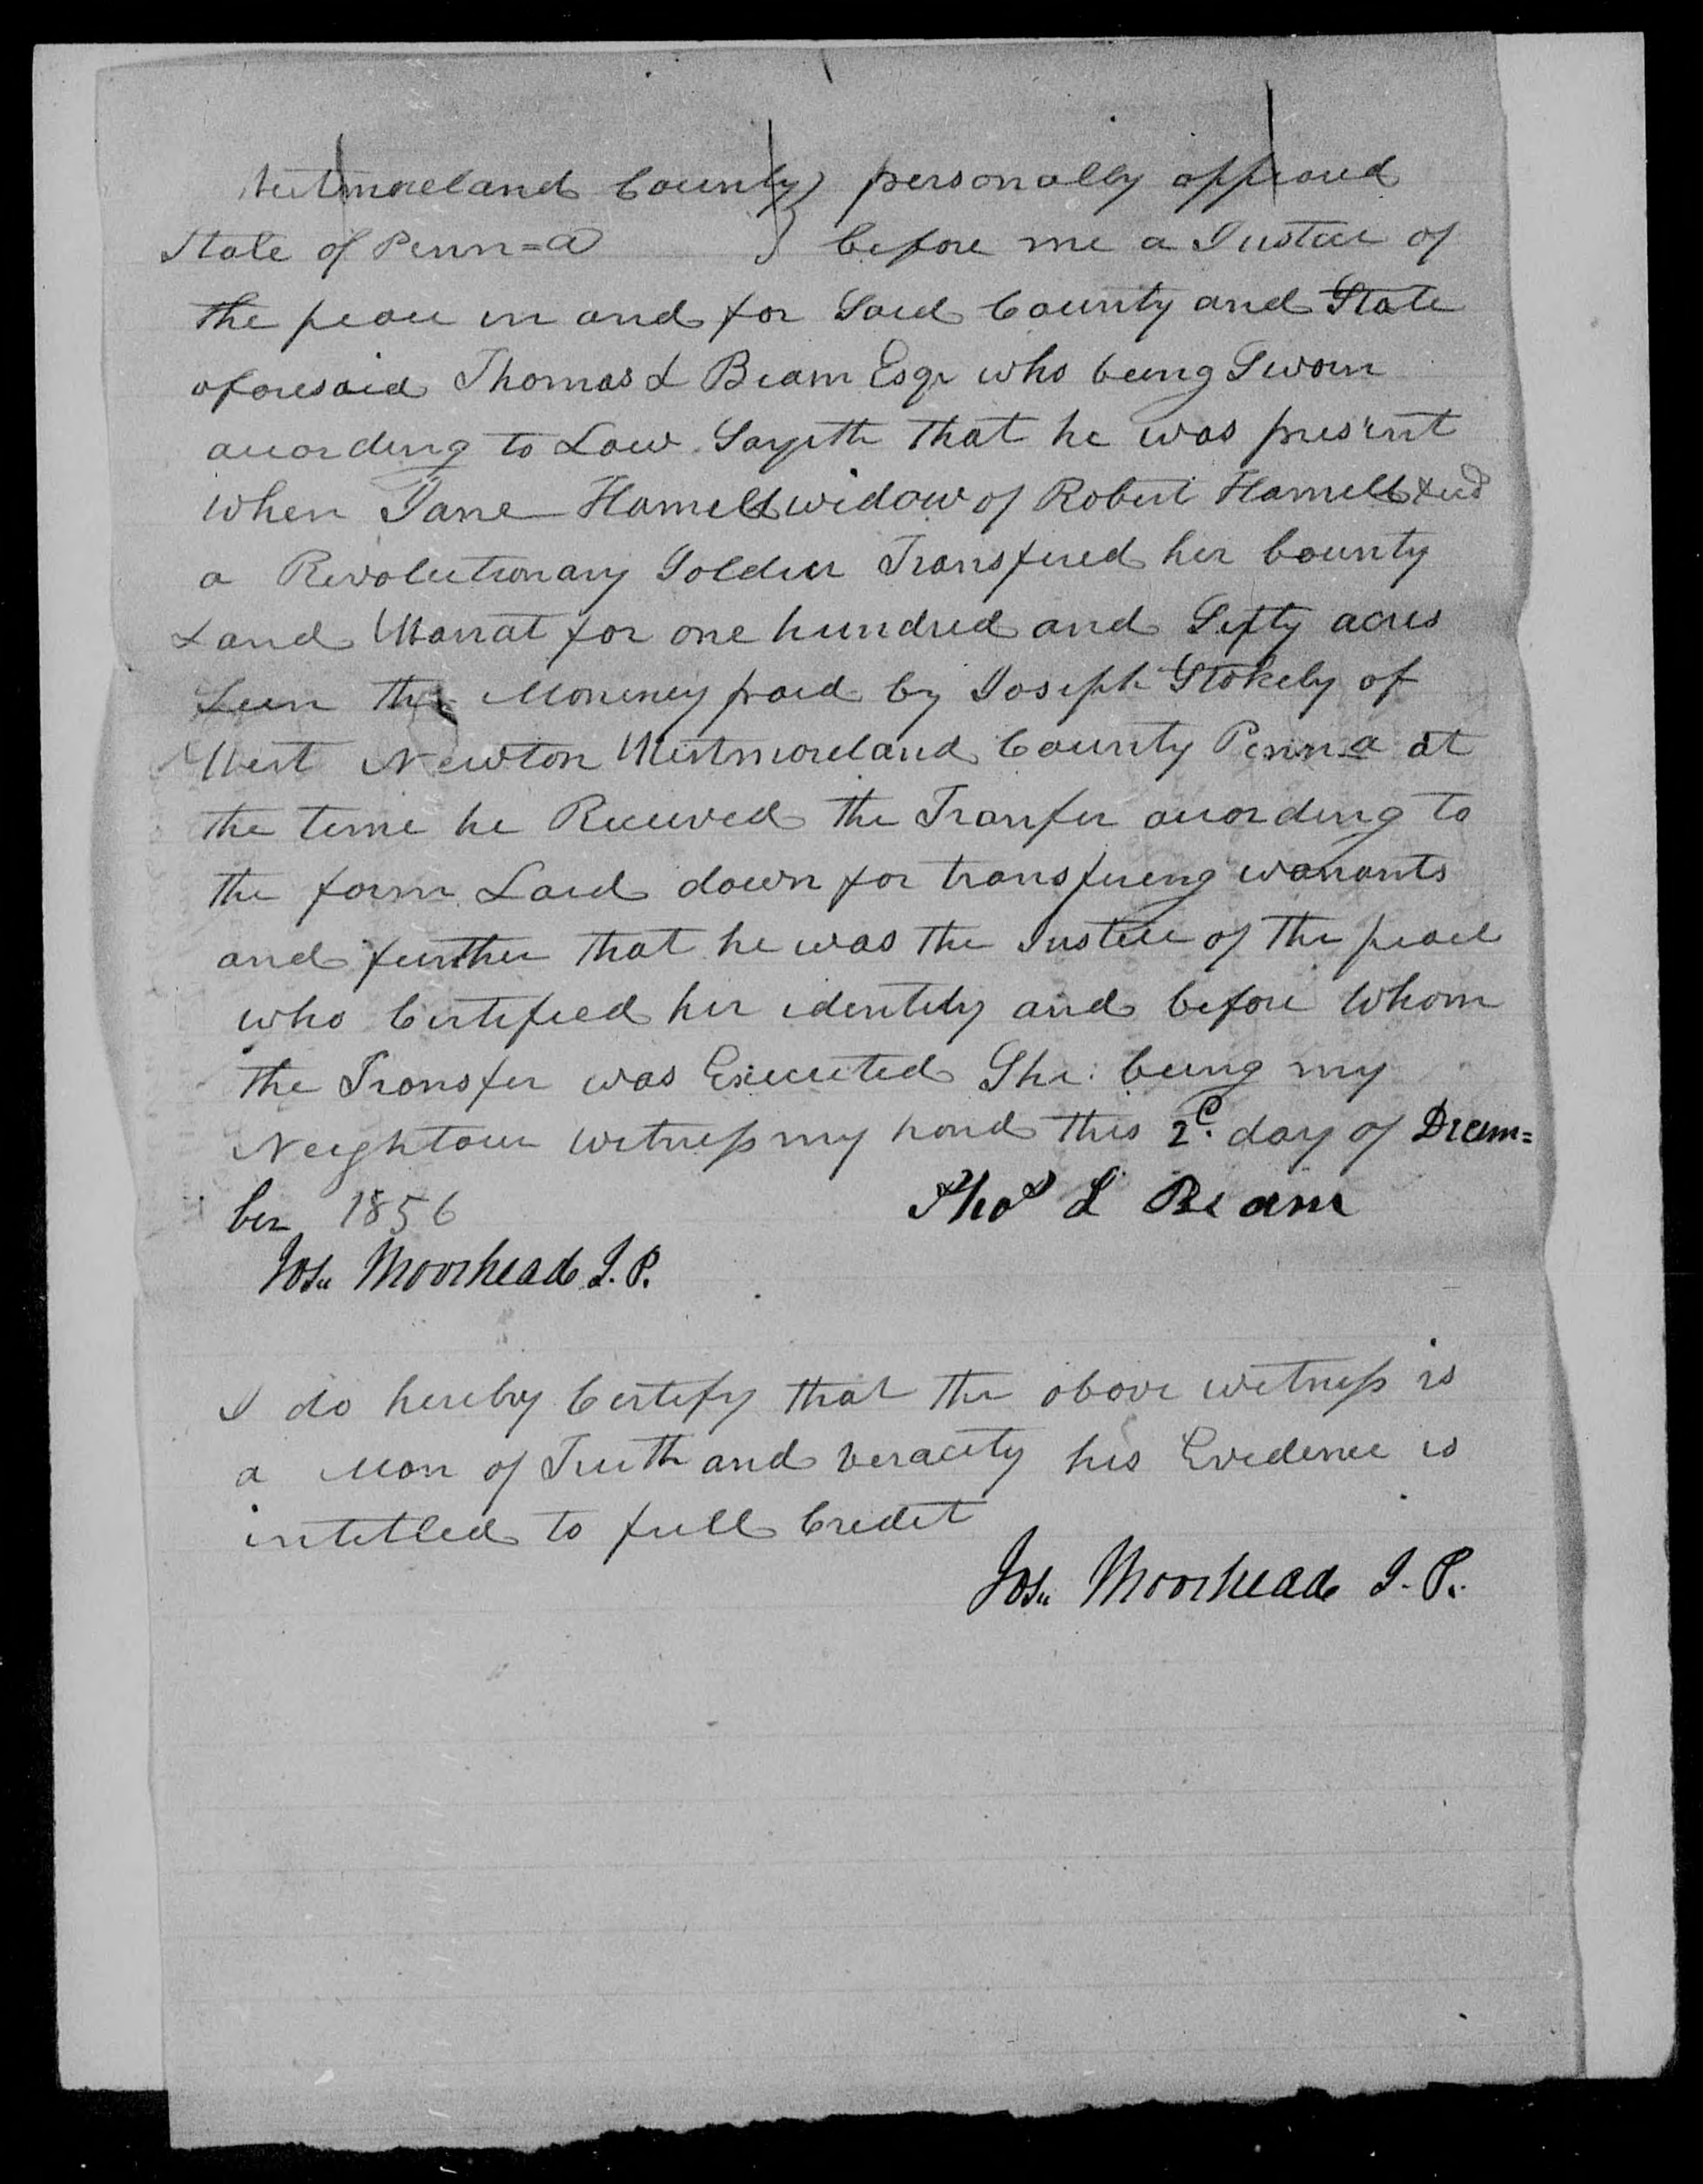Westmoreland County, State of Penna
 personally appeared before me a Justice of the Peace in and for said county and State aforesaid Thomas Beam Esq. who being sworn according to law sayeth that he was present when Jane Hamell widow of Robert Hammell a Revolutionary soldier transferred her bounty and land warrant for one hundred and sixty acres seen this money paid by Joseph Stokely of West Newton, Westmoreland County, Penna at the time he received the transfer according to the form laid down for transferring warrants and further that he was the Justice of the Peace who certified her identity and before whom the transfer was executed,  She being my neighbour witness my hands this 2nd day of December 1856.
Thos. L. Beam
Jos. Moorhead J.P.

I do hereby certify that the above witness is a man of truth and veracity his evidence is entitled to full credit.
Jos. Moorhead, J.P.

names: Jane Hamill, Thos L Beam, Joseph Stokely, Jos Moorhead, Jos Moorhead, Robert Hamill, Thomas L Beam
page: 68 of 92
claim: widow's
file: W 1173, Robert Hamill, Penn.